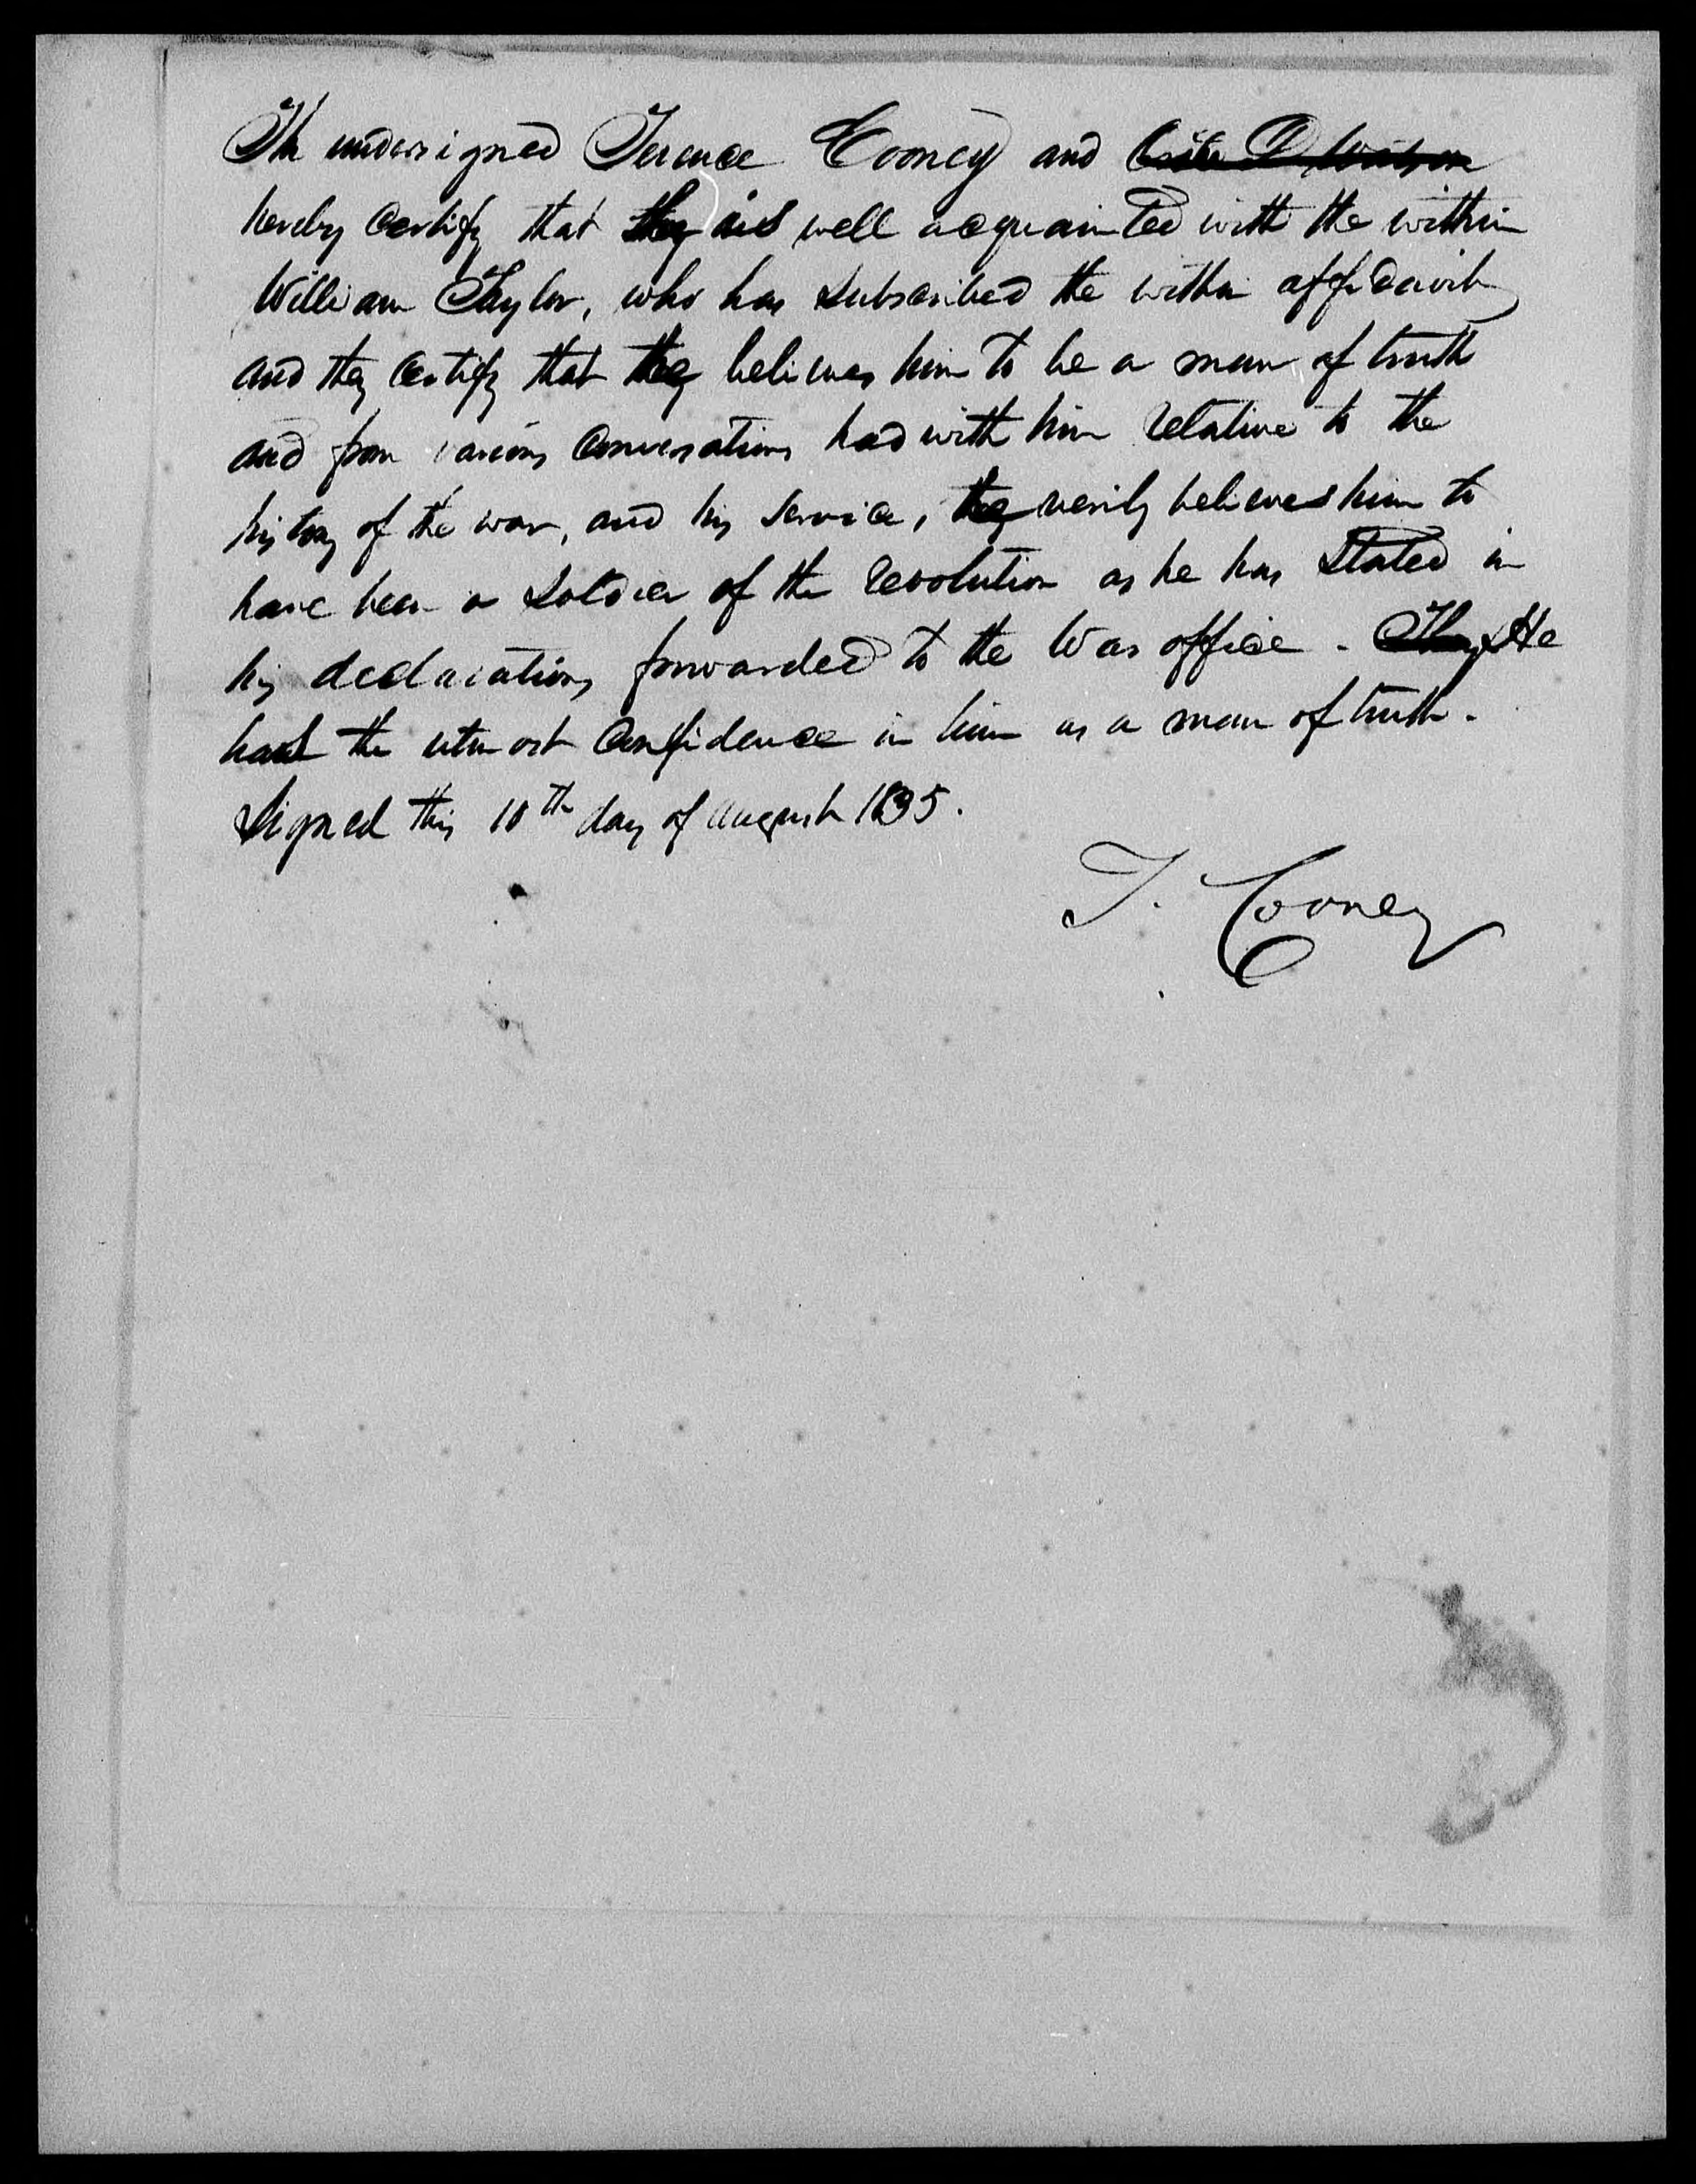The undersigned Terence Cooney and hereby certify that he is well acquainted with the within William Taylor, who has subscribed the within affidavit and they certify that he believe him to be a man of truth and from various conversations had with him relative to the history of the war, and his service, he verily believes him to have been a soldier of the revolution as he has stated in his declaration forwarded to the war office. He has the utmost confidence in him as a man of truth.
Signed this 10th day of August 1835.
T. Cooney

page: 29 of 33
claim: rejected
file: R 10439, for William Taylor, North Carolina